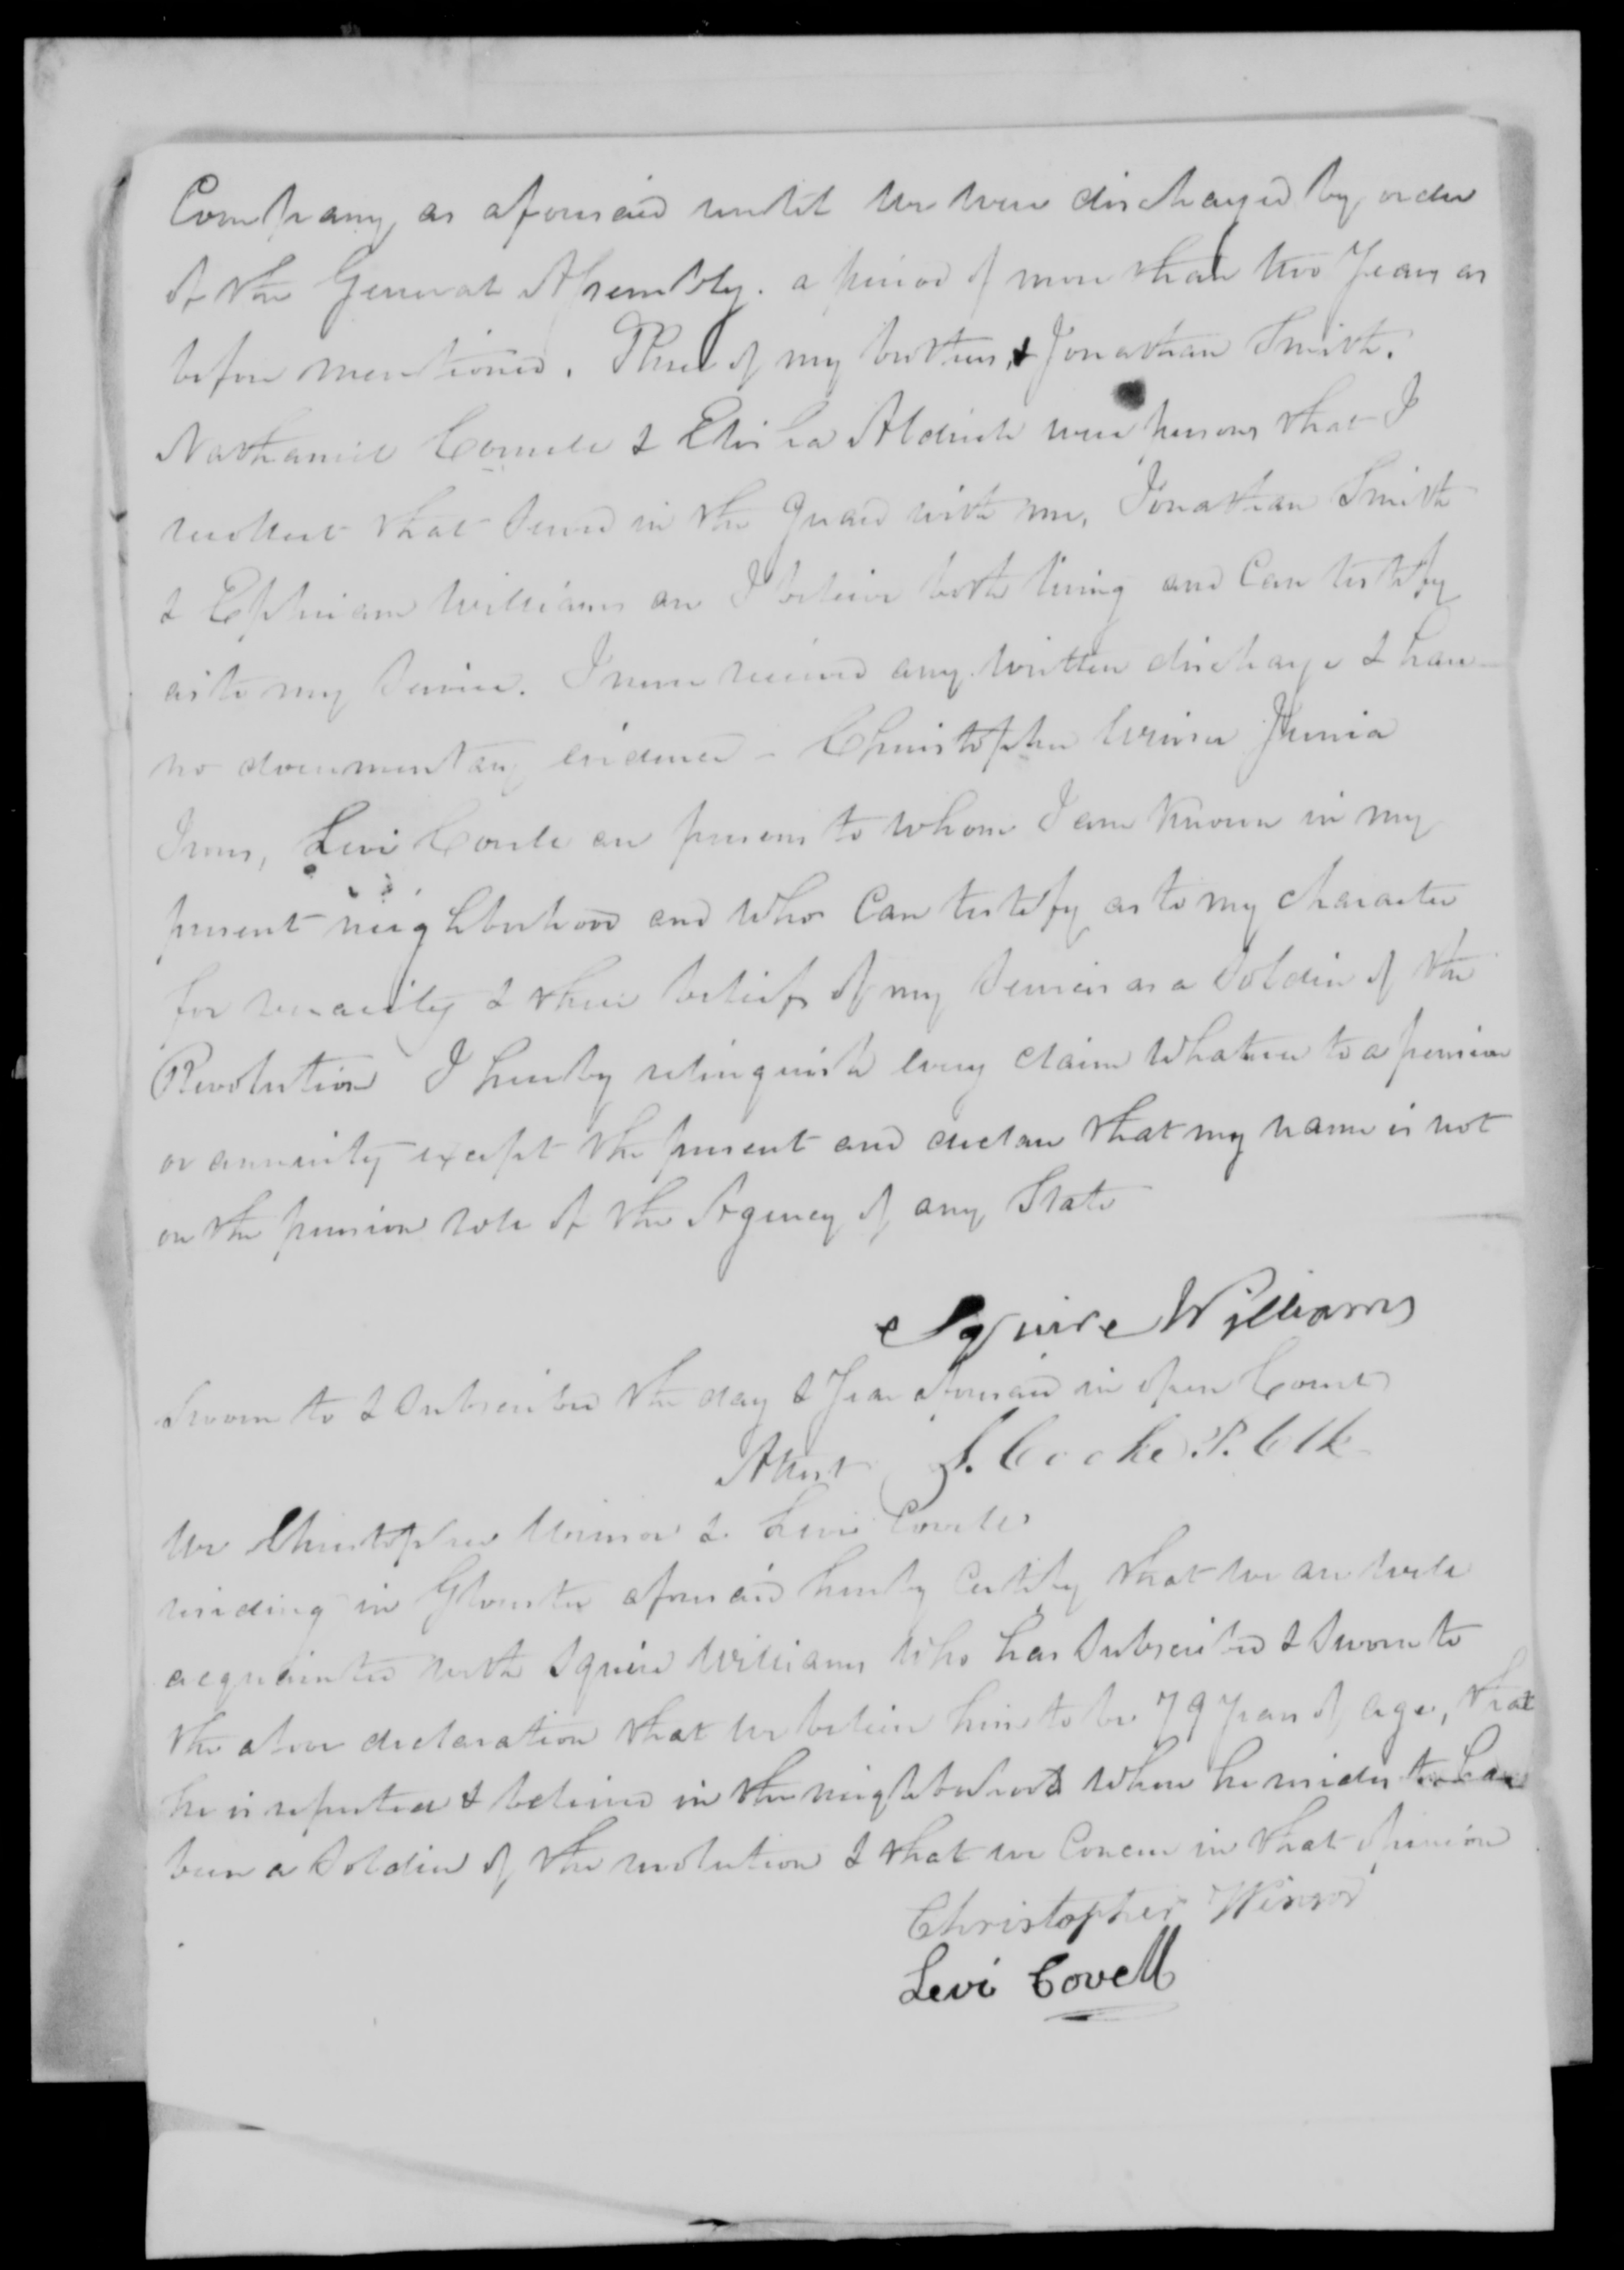Company as aforesaid until we were discharged by order of the General Assembly.  a period of more than two years as
before mentioned. Three of my brothers & Jonathan Smith, 
Nathaniel Cornell & Elisha Aldrich were persons that I recollect that served in the guard with me. Jonathan Smith
Ephraim Williams are I believe both living and can testify as to my service. I never received any written discharge & have
no documentary evidence - Christopher Winsor Junior (Illegible), Levi Covell are persons to whom I am known in my present neighborhood and who can testify as to my character for veracity & their belief of my services as a soldier of the
Revolution I hereby relinquish every claim whatever to a pension or annuity except the present and declare that my name is not
on the pension role of the Agency of any State

Squire Williams
Sworn to & subscribed the day & year aforesaid in open Court,
Albert S. Cooke , P. Clk

Mr. Christopher Winsor & Levi Covell
residing in Glouster aforesaid hereby certify that we are well
acquainted with Squire Williams who has subscribed & sworn to
the above declaration that we believe him to be 79 years of age, that
he is reputed & believed in the neighbors when he midst
been a soldier of the revolution & that we concur in that opinion
Christopher Winsor
Levi Covell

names: Levi Conte, Squire Williams, Jonathan Smith, Elisha Aldrich, Christopher Winns, Junia Janes, Ephriam Williams, Nathaniel Cornels, L Cooke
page: 7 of 23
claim: survivor's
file: S. 21576, Squire Williams, R. I.